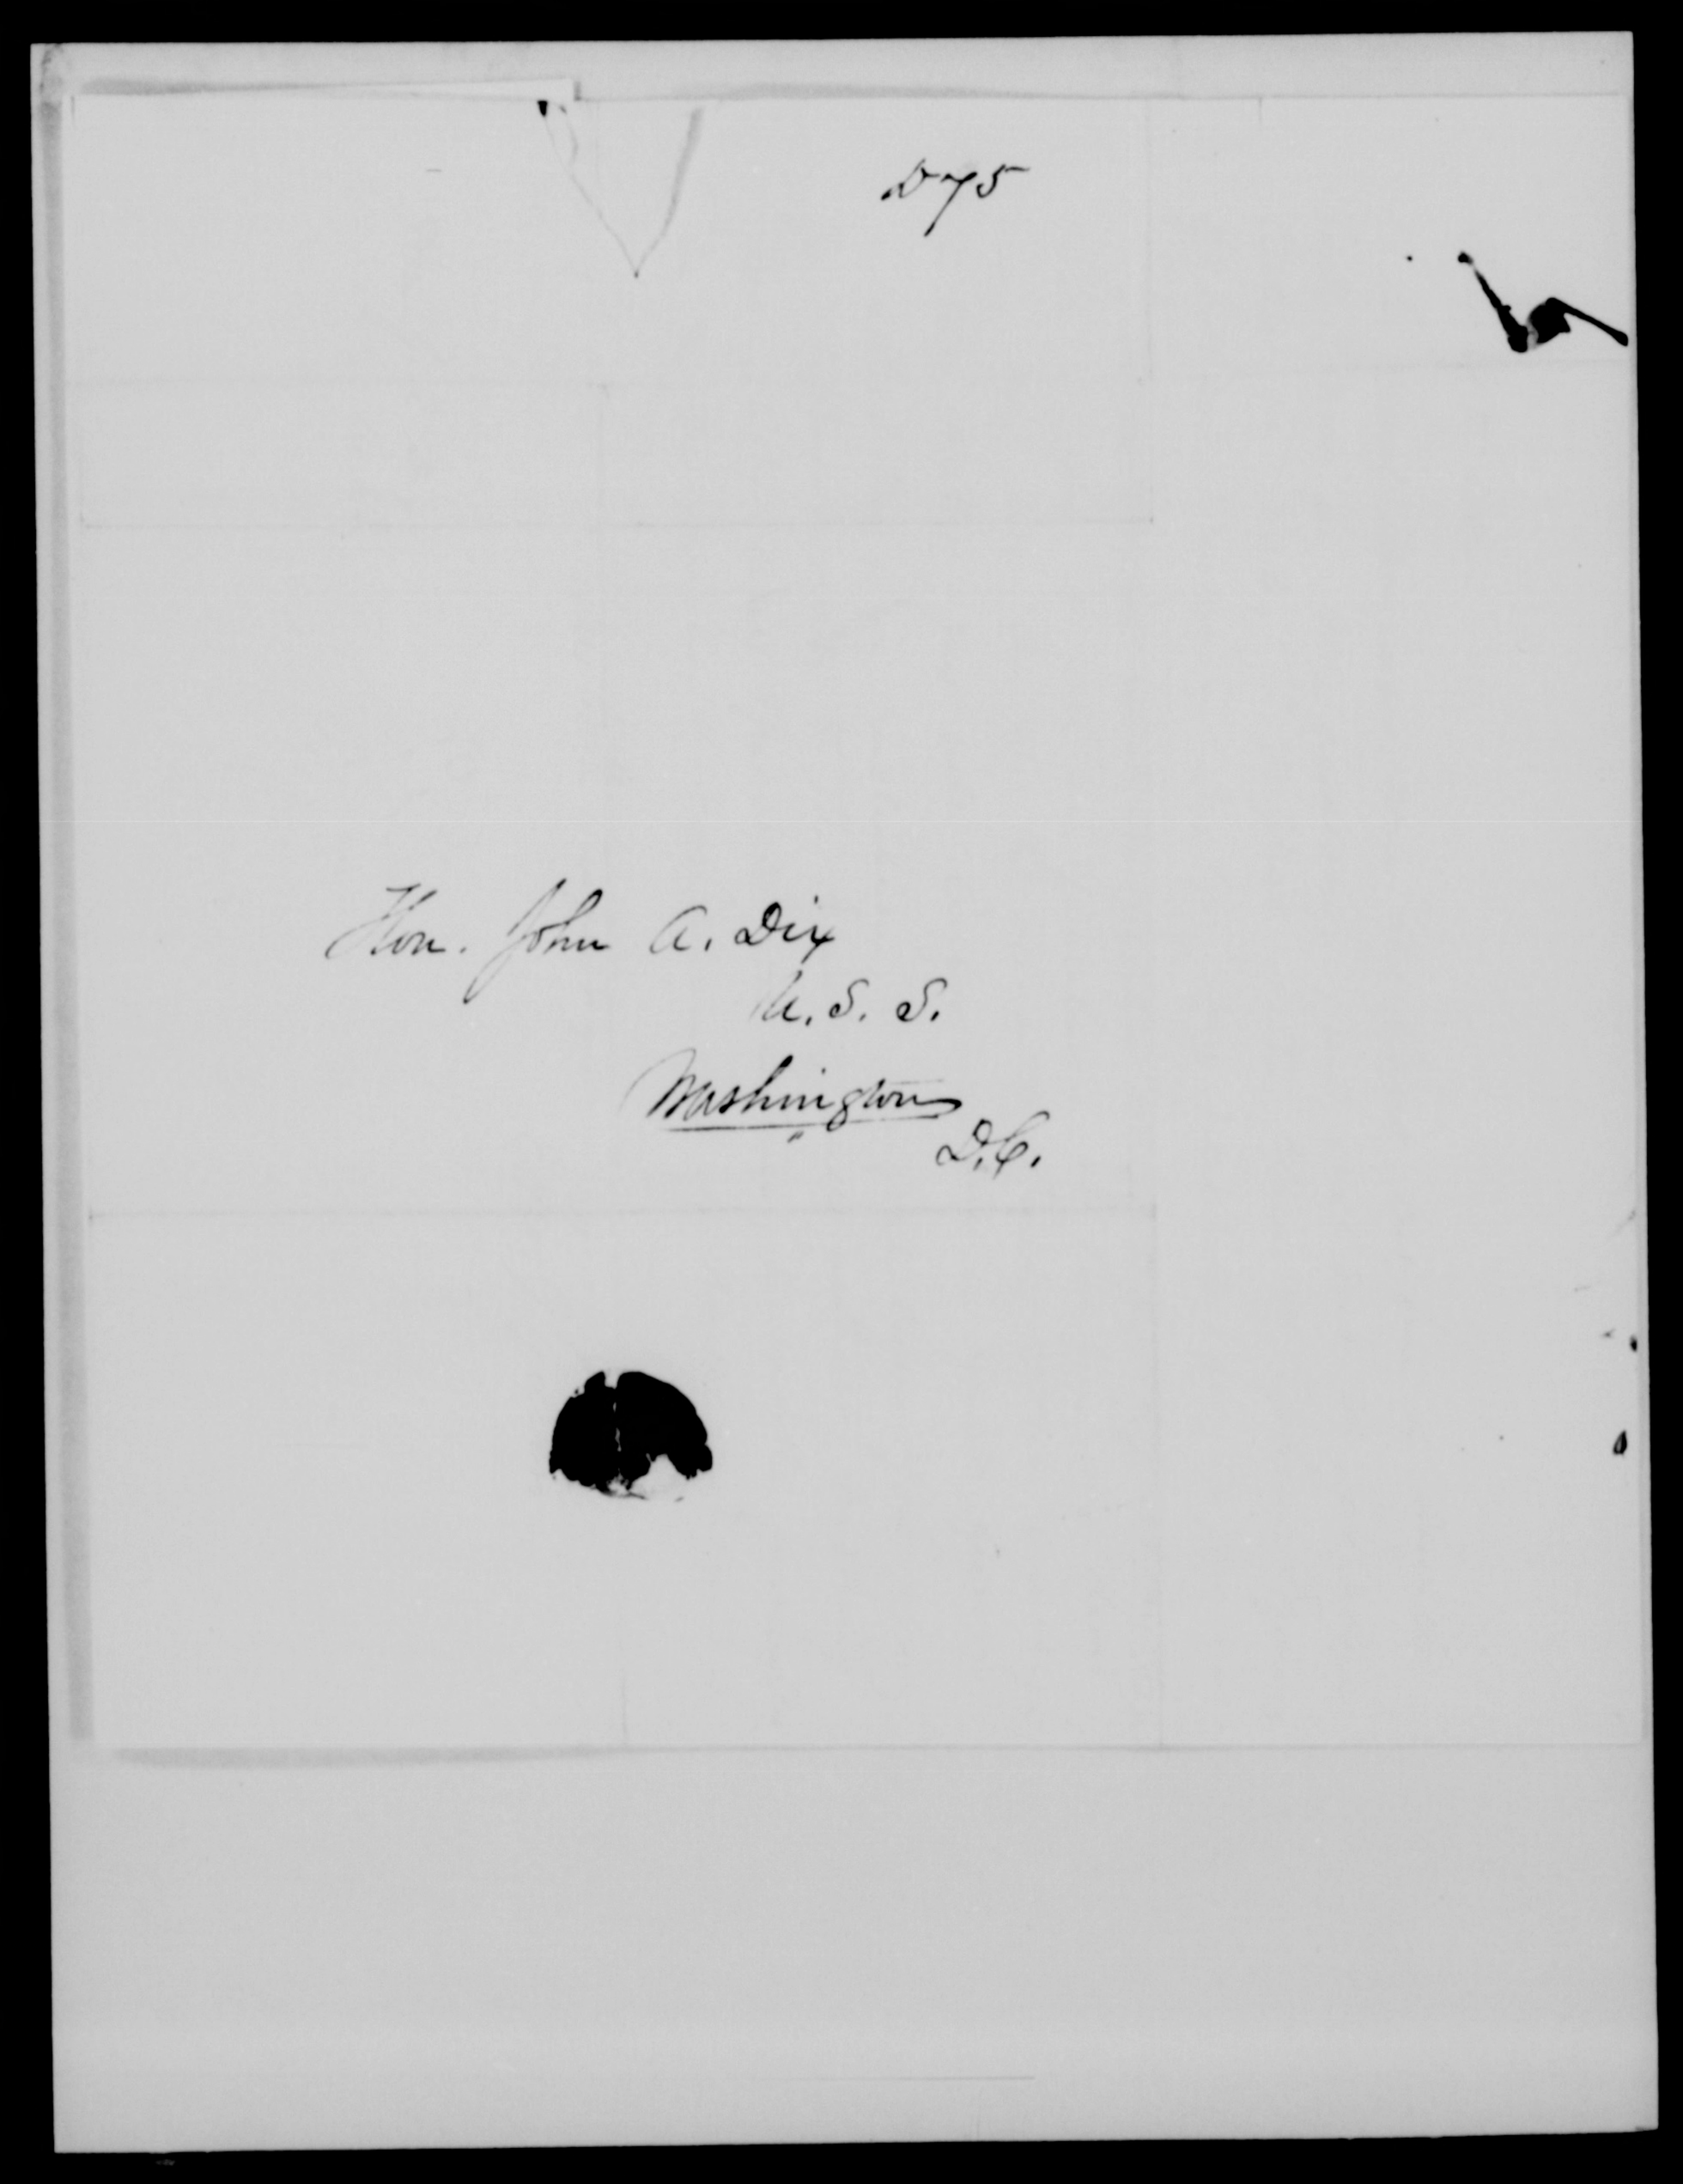Hon. John A Dix 
U.S.S.
Washington D. C.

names: John A Dix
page: 58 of 70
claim: rejected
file: R. 10,026, for Ephraim Squier, Connecticut